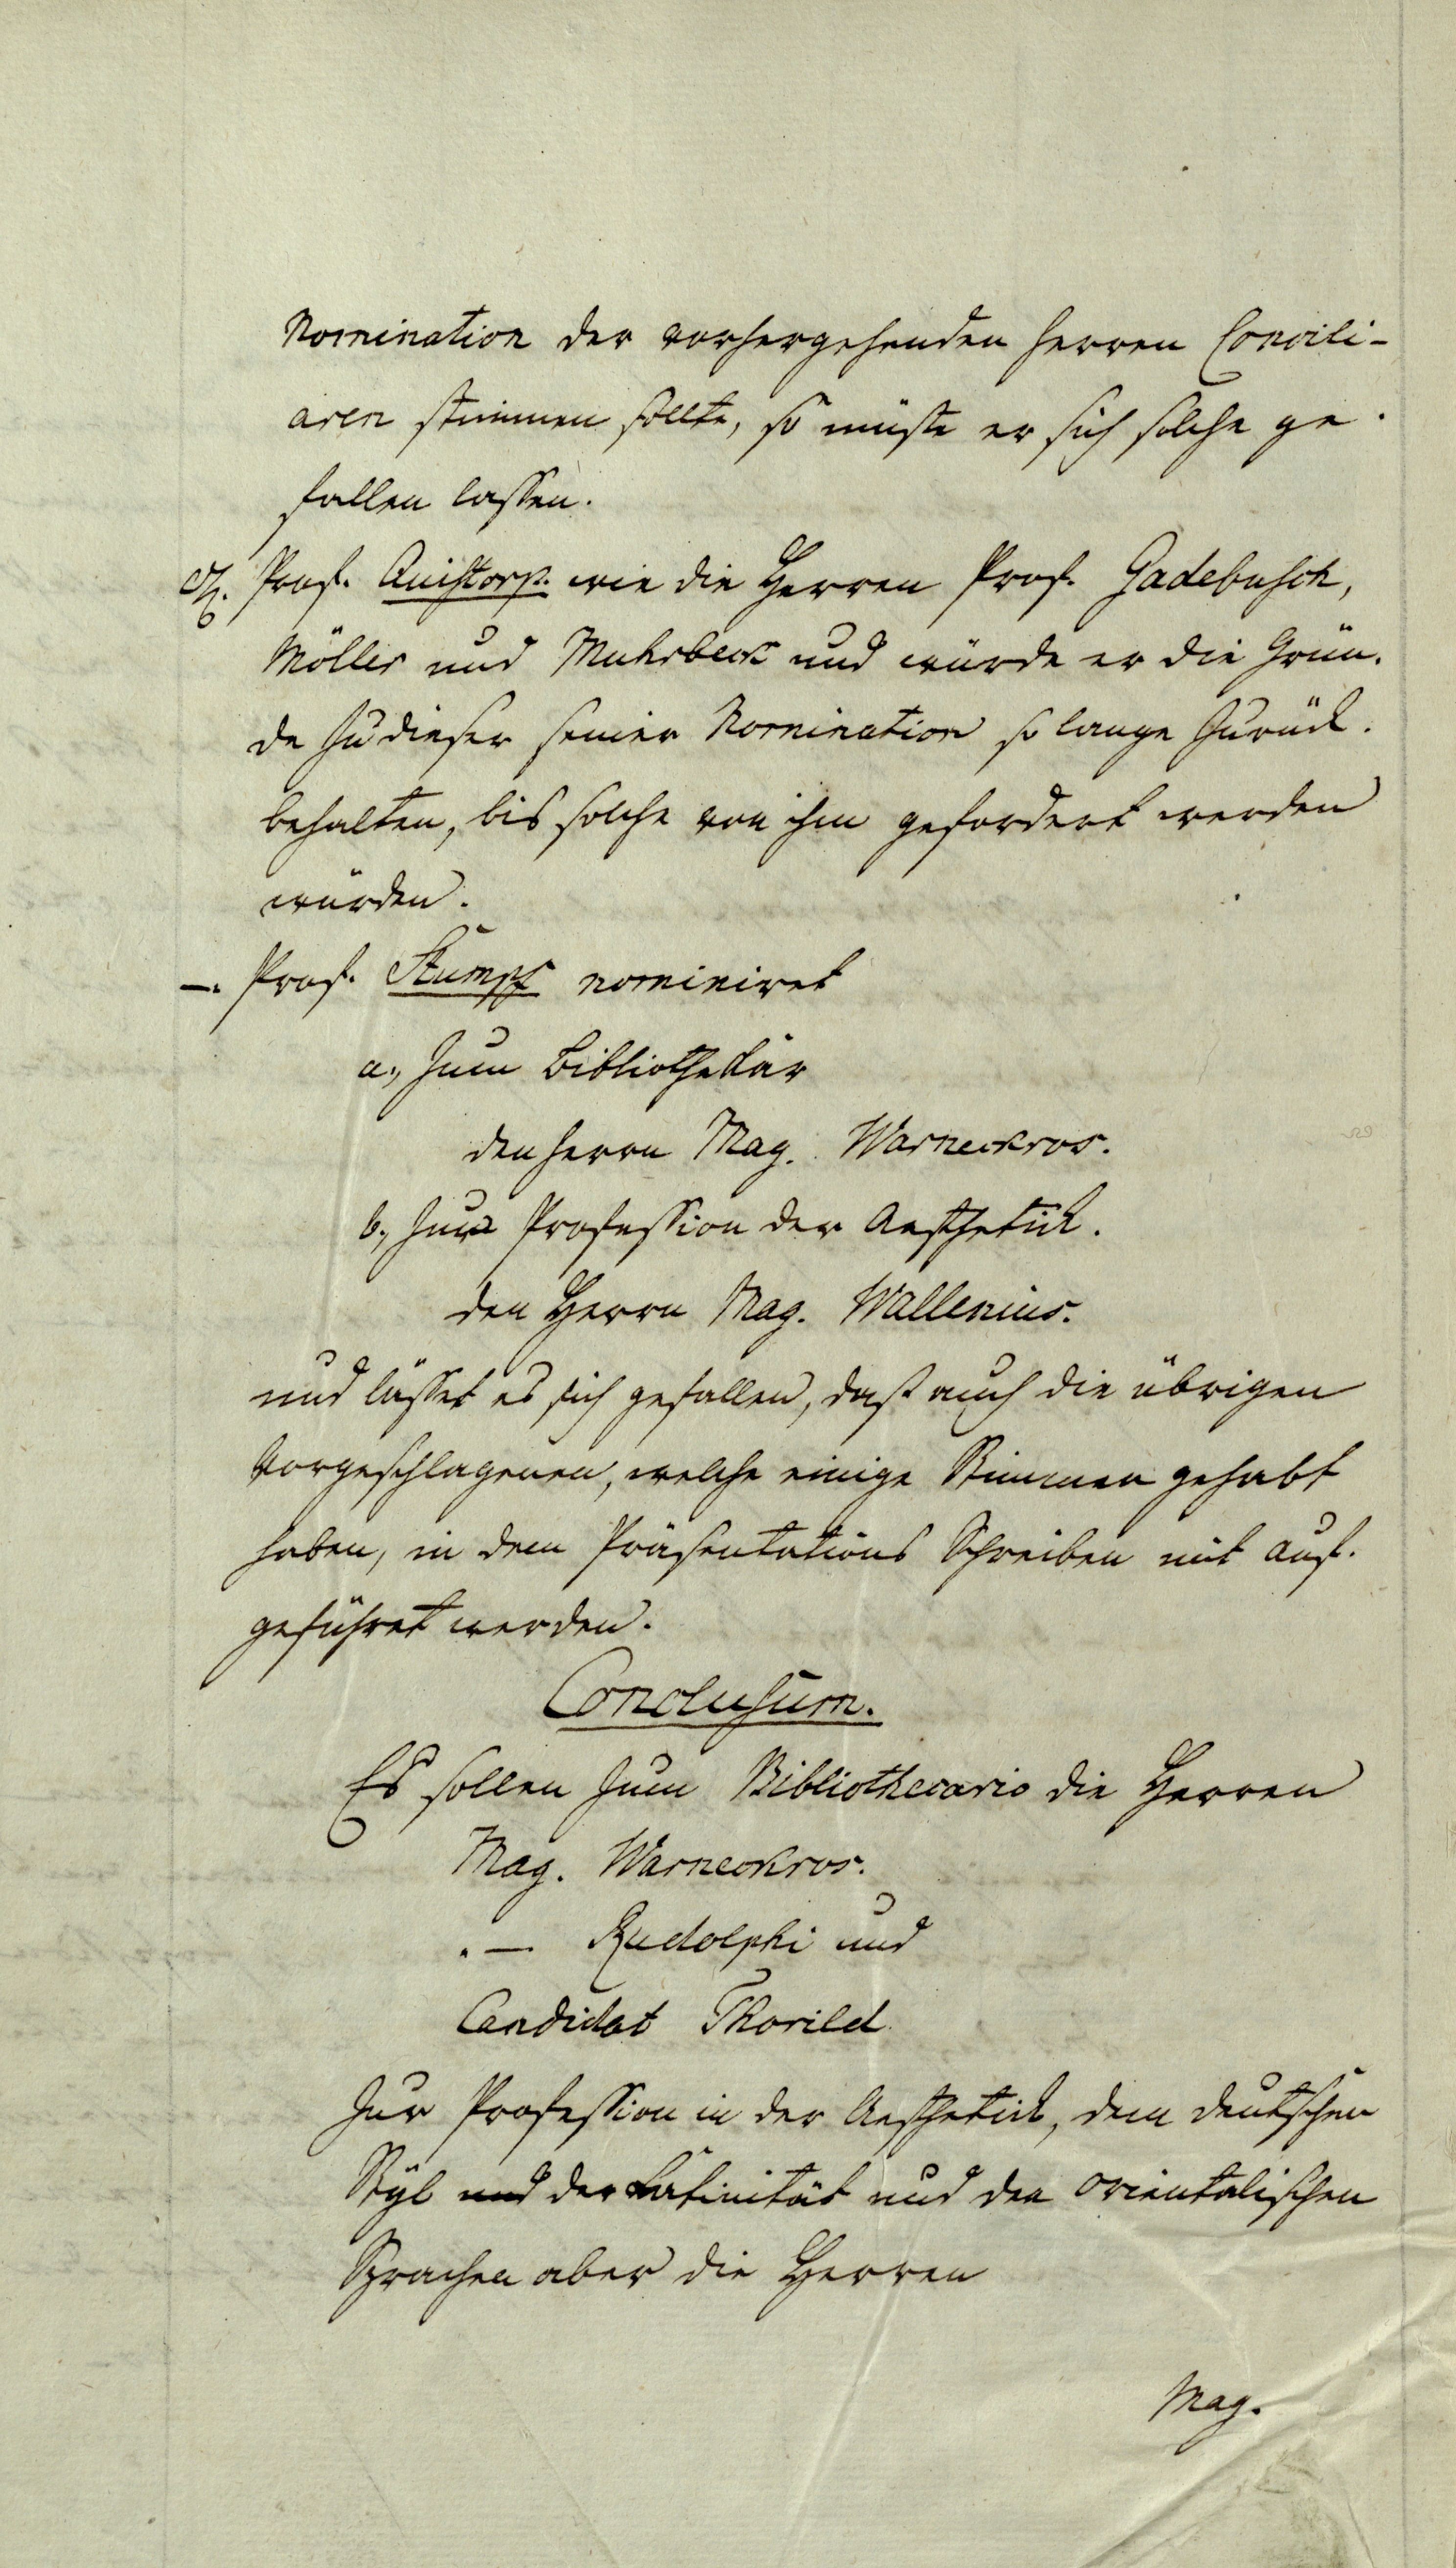Nomination der vorhergehenden Herren Concili¬
aren stimmen sollte, so müsste er sich solche ge¬
fallen lassen.
dh. Prof. Quistorp. wie die Herren Prof. Gadebusch,
Möller und Muhrbeck und würde er die Grün¬
de zu dieser seiner Nomination so lange zurück¬
behalten, bis solche von ihm gefordert werden
würden.
— " Prof. Stumpf nominirt
a., zum Bibliothekär
den Herrn Mag. Warneckros.
b., zur Profession der Aesthetick.
den Herrn Mag. Wallenius.
und lässet es sich gefallen, daß auch die übrigen
vorgeschlagenen, welche einige Stimmen gehabt
haben, in dem Präsentations Schreiben mit auf¬
geführet werden.
Conclusum.
Es sollen zum Bibliothecario die Herren
Mag. Warneckros.
" — Rudolphi und
Candidat Thorild
zur Profession in der Aesthetick, dem deutschen
Stÿl und der Latinität und der orientalischen
Sprachen aber die Herren
Mag.